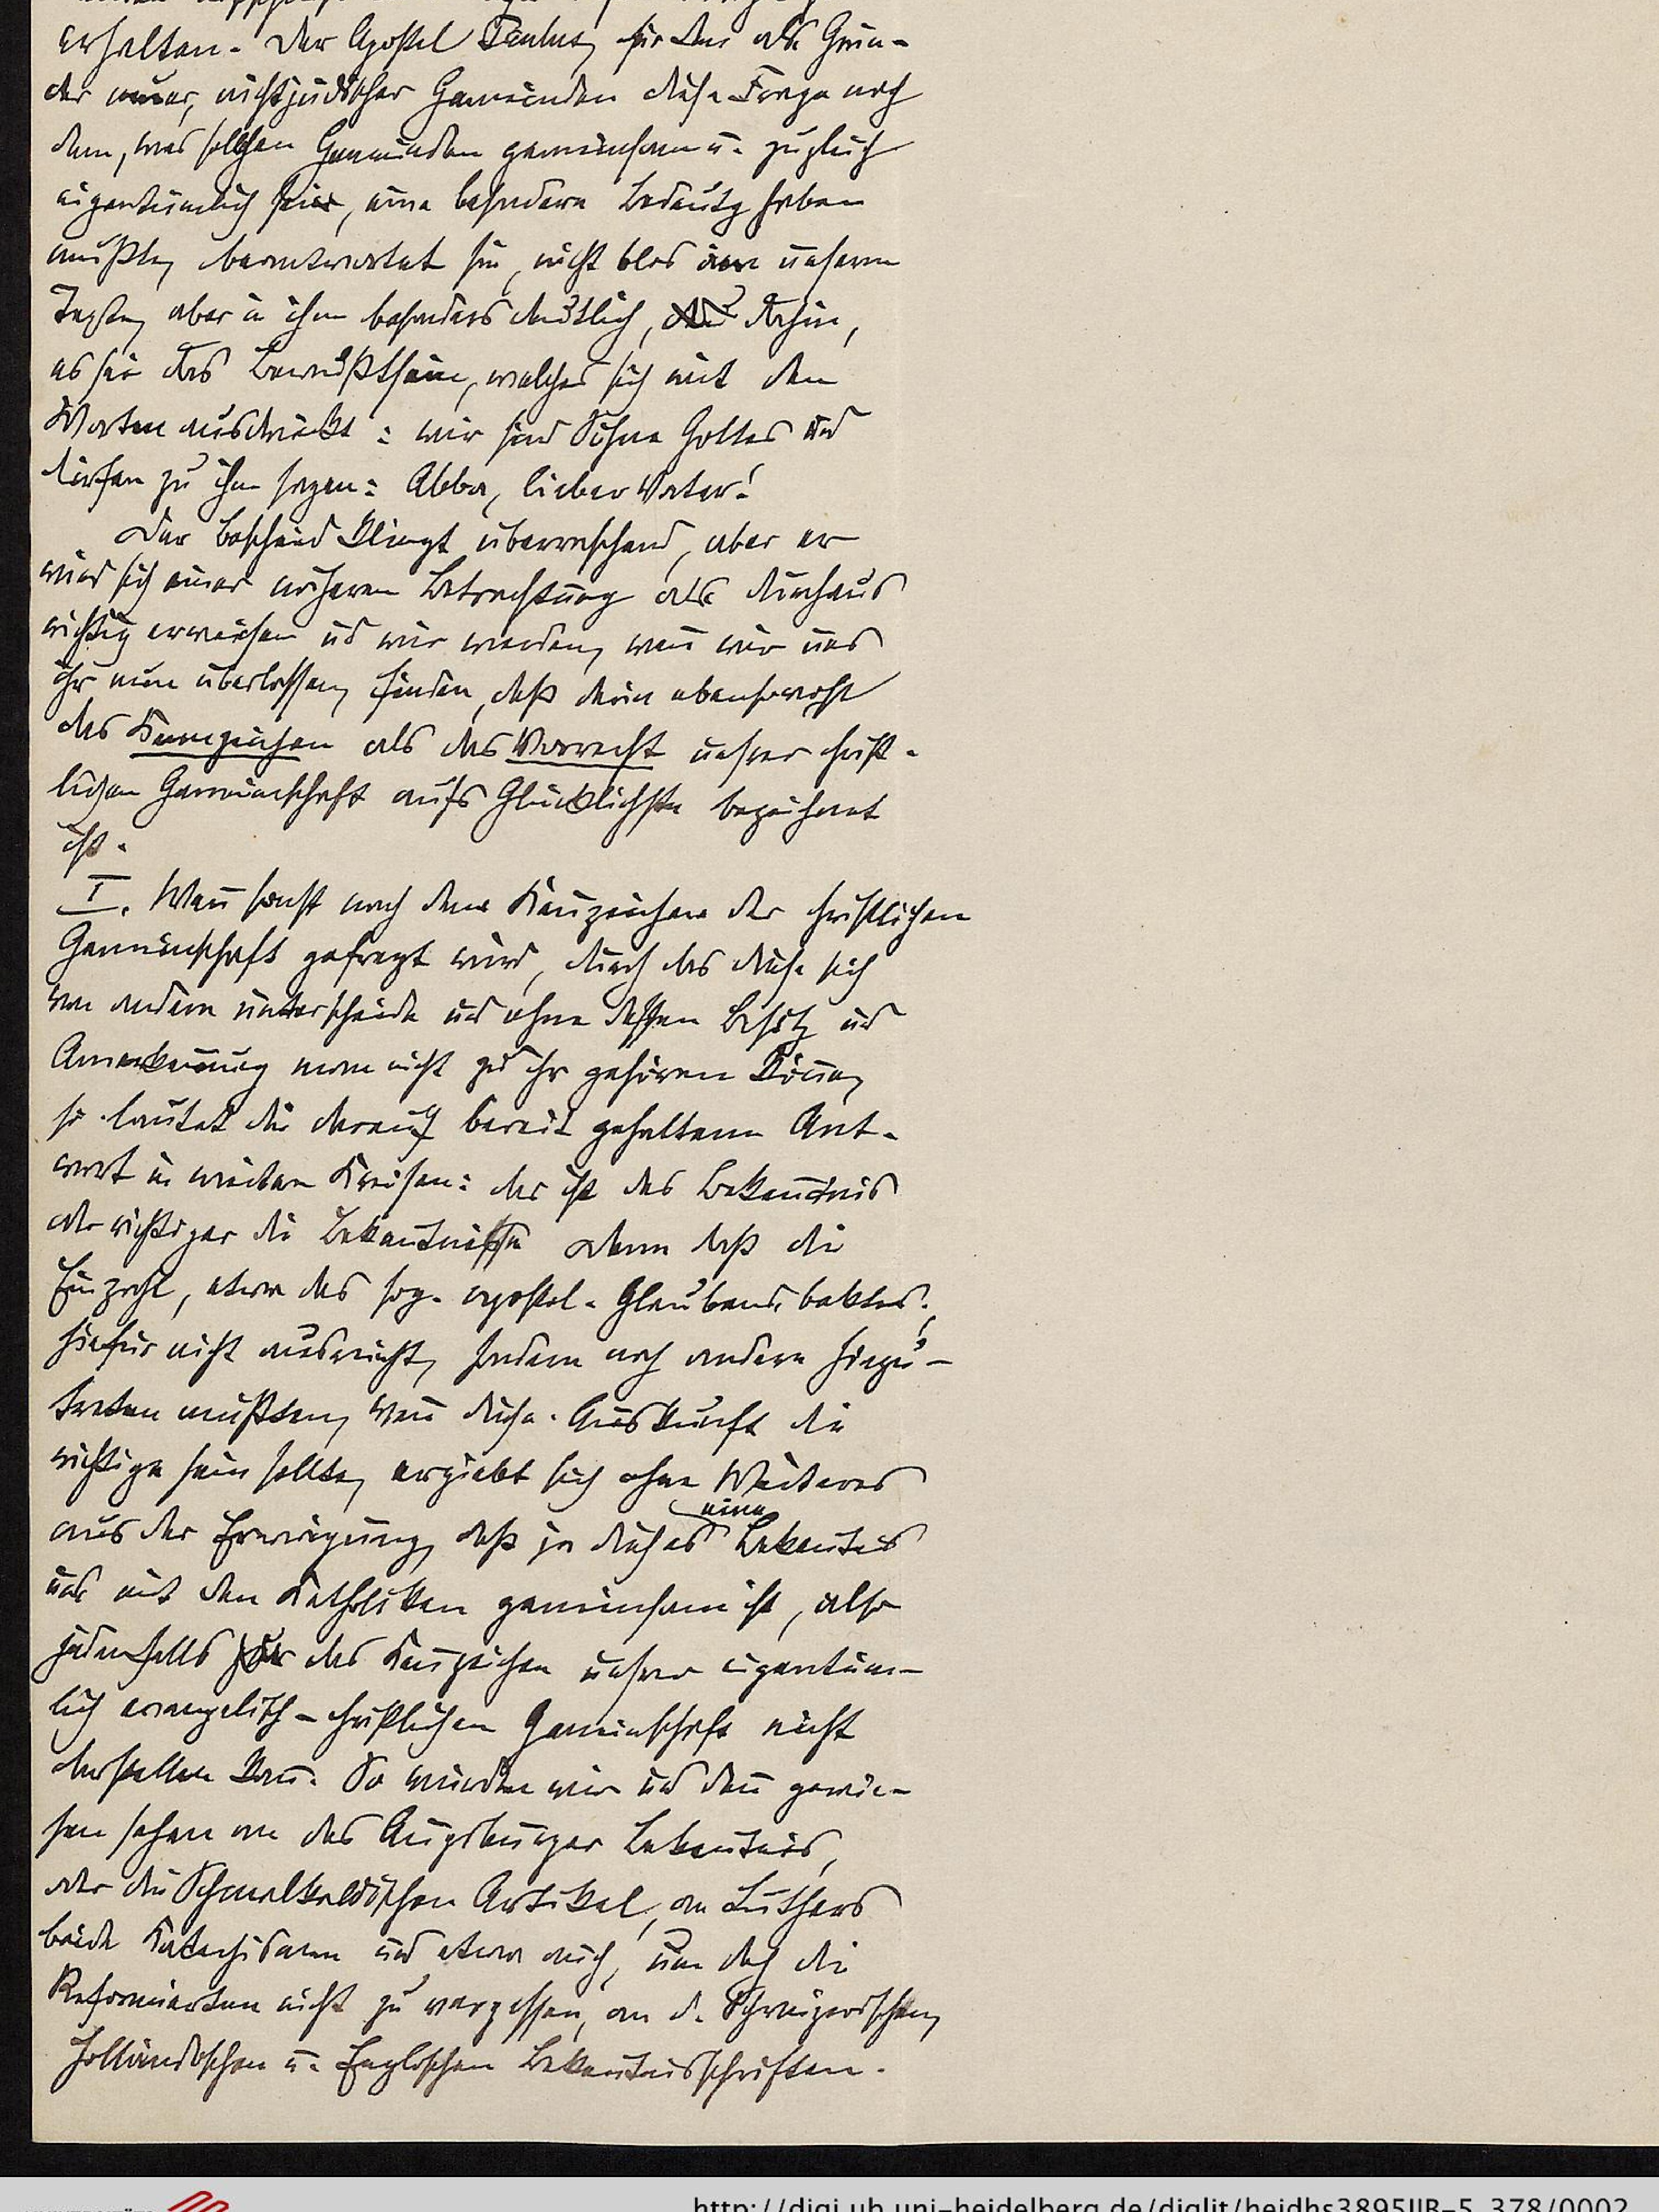erhalten. Der Apostel Paulus, für den als Grün¬
der neuer, christlicher Gemeinden diese Frage noch
dem, was solche Gemeinden gemeinsam u. zugleich
eigentümlich sei, eine besondere Bedeutg. haben
mußte, beantwortet sie, nicht blos im unserm
Texte, aber in ihm besonders deutlich, den dahin,
es sei das Bewußtsein, welches sich mit den
Worten ausdrückt: wir sind Söhne Gottes und
dürfen zu ihm sagen: Abba, lieber Vater!
Der Bescheid klingt überraschend, aber er
wird sich einer näheren Betrachtung als durchaus
richtig erwiesen und wir werden, wen wir uns
ihr neun überlassen, finden, daß darin ebensowohl
das Kennzeichen als das Vorrecht unsrer christ¬
lichen Gemeinschaft aufs Göücklichste bezeichnet
ist
I. Wen sonst nach dem Kenzeichen der christlichen
Gemeinschaft gefragt wird, durch das diese sich
von andere unterscheide und ohne dessen Besitz und
Anerkenung man nicht zu ihr gehören köne,
so lautet die darauf bereit gehaltene Ant¬
wort in weiten Kreisen: das ist das Bekenntnis
oder richtiger die Bekenntnisse. Denn daß die
Einzahlt, etwa des sog. apostol. Glaubensbektns.
hierfür nicht ausreicht, sondern noch andere hinzu¬
treten müßten, wen diese Auskunft die
richtige sein sollte, ergiebt sich ohne Weiteres
eine
aus der Erwägung, daß ja dieses Bekentnis
uns mit den Katholiken gemeinsam ist, also
jedenfalls ja das Kenzeichen unsrer eigentüm¬
lich evangelisch-christlichen Gemeinschaft nicht
herstellen kann. So würden wir uns den gemein¬
sam sehen an das Augsburger Bekenntnis,
oder die Schmalkaldischen Artikel, an Luthers
beide Katechismen und etwa auch, um doch die
Reformierten nicht zu vergessen an d. Schweizerischen,
Holländischen u. Englischen Bekentnisschriften.